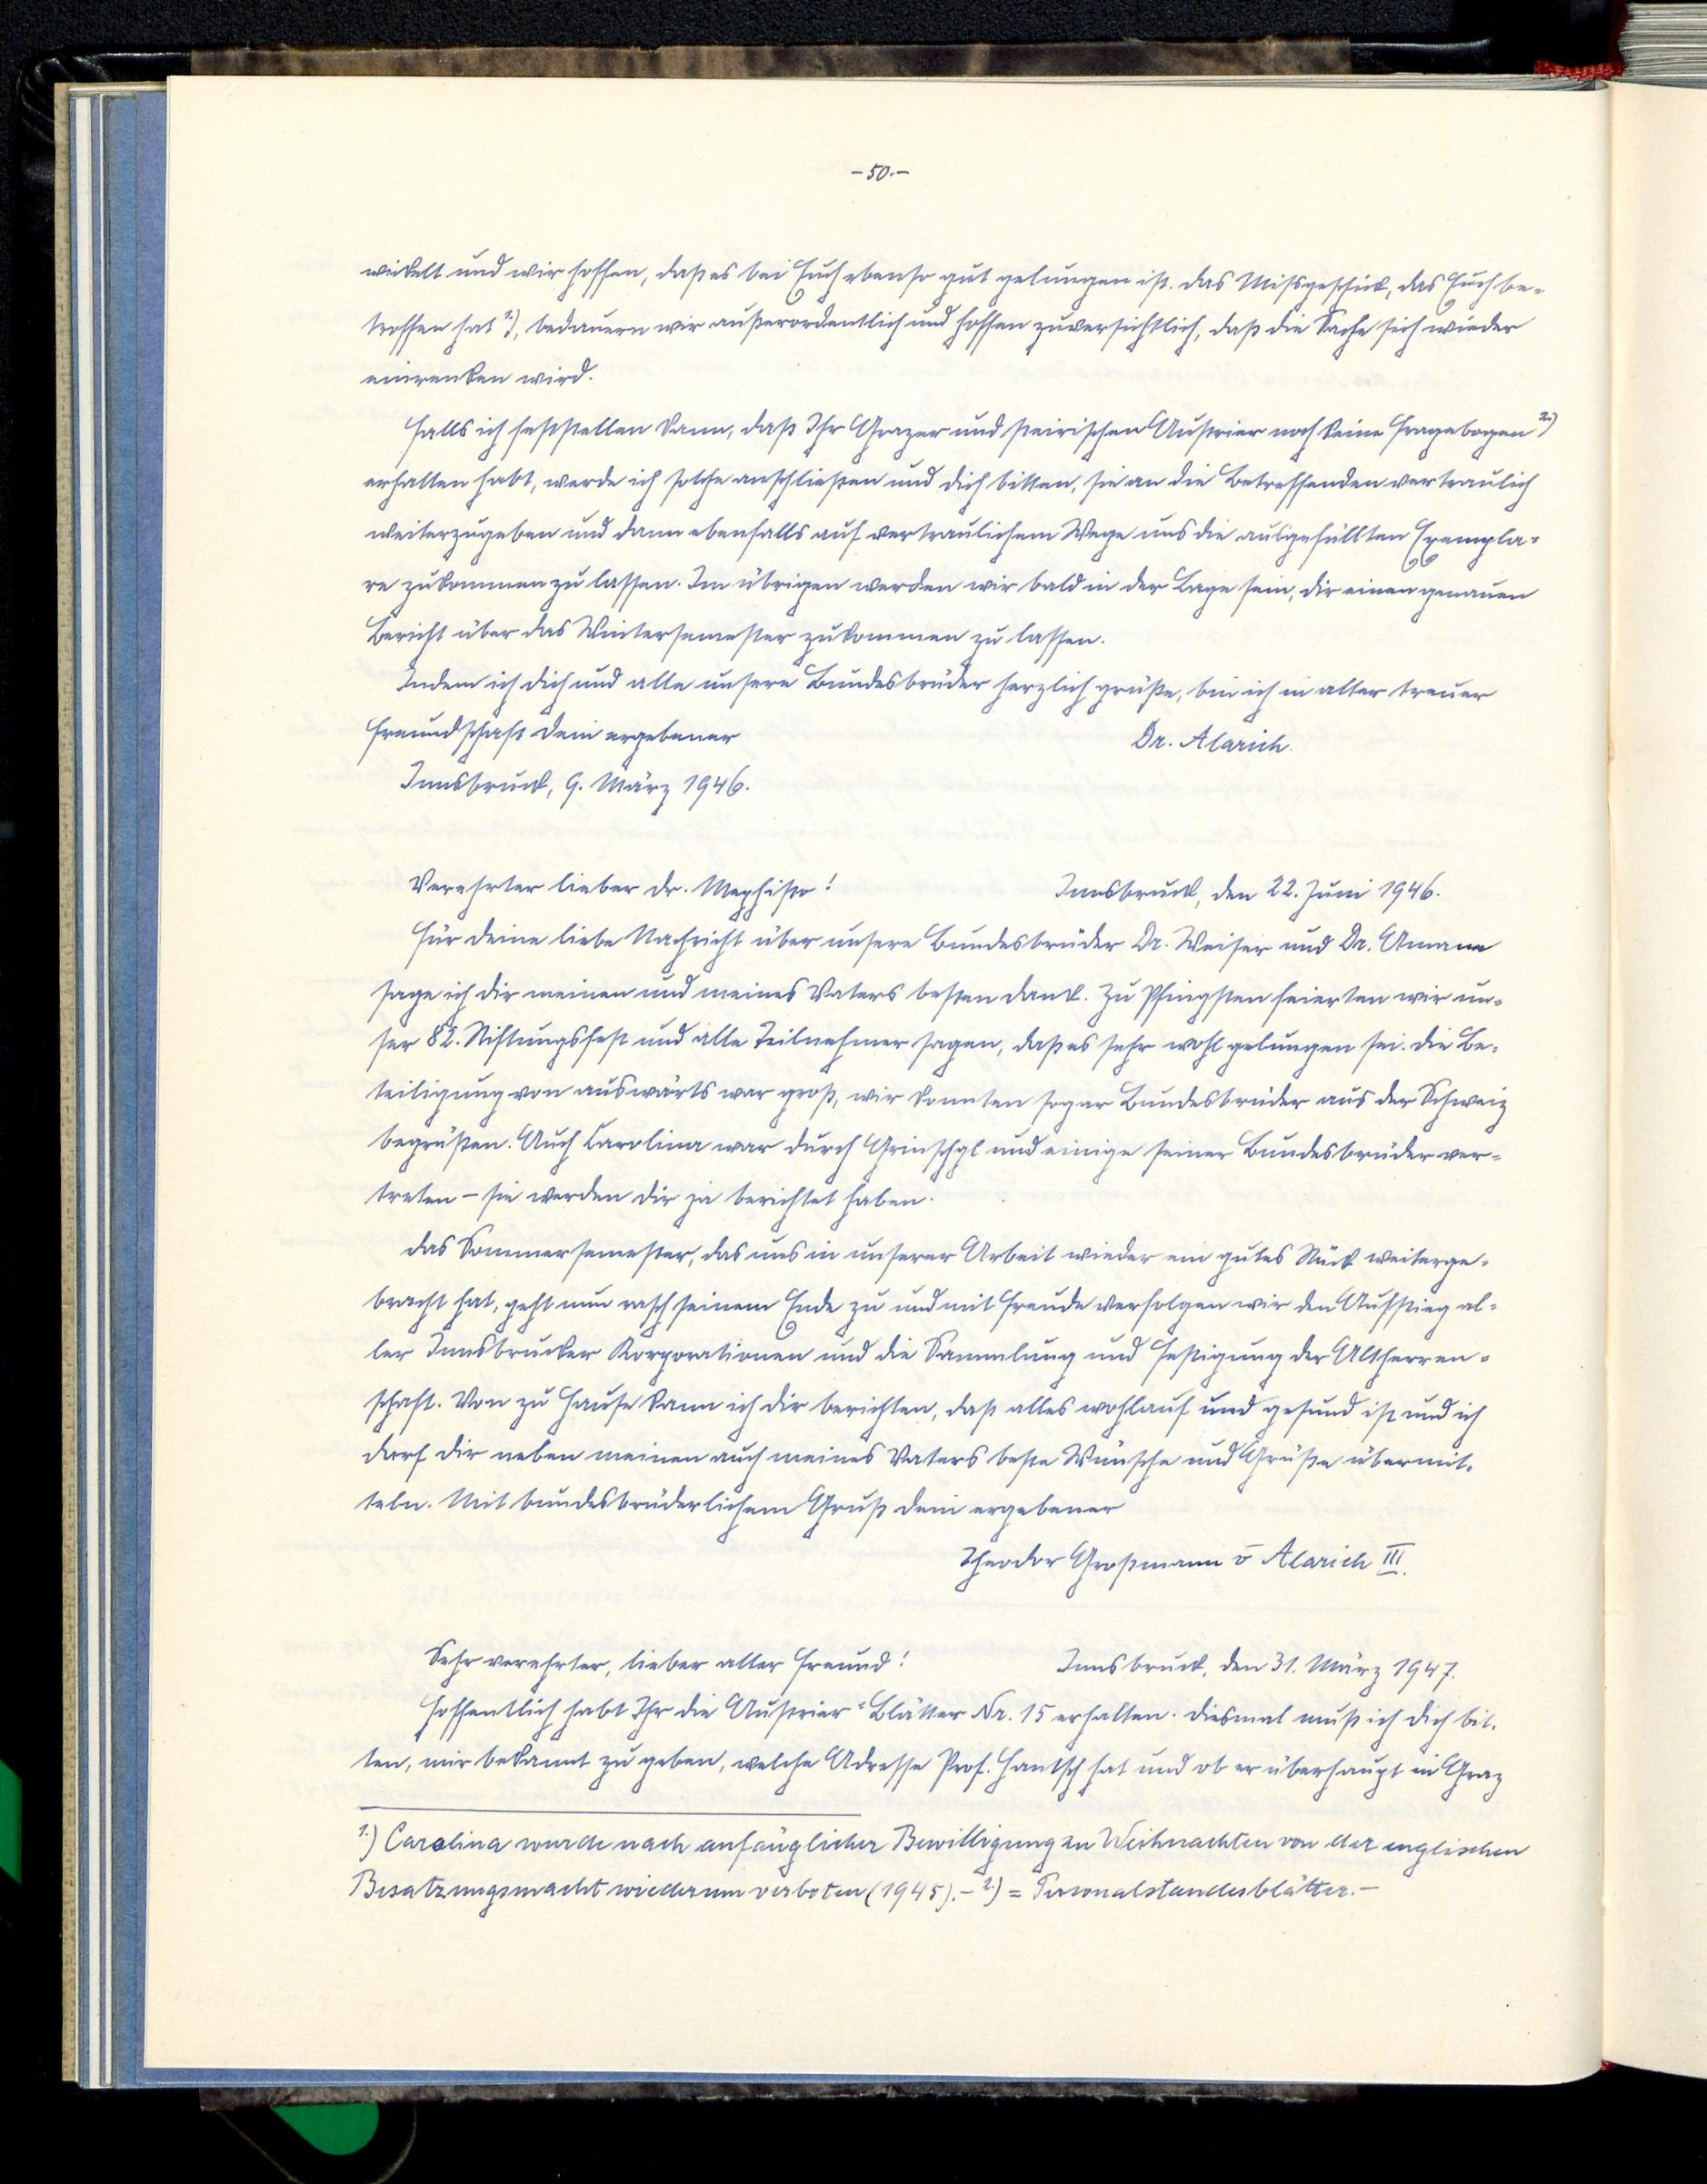50
wickelt und wir hoffen, dass es bei Euch ebenso gut gelungen ist. Das Mißgeschick, das euch be-
troffen hat, bedauern wir außerordentlich und hoffen zuversichtlich, daß die Sache sich wieder
einrenken wird.
Falls ich feststellen kann, dass Ihr Grazer und steirischen Austrier noch keine Fragebogen 1)
erhalten habt, werde ich solche anschließen und dich bitten, sie an die Betreffenden vertraulich
weiterzugeben und dann ebenfalls auf vertraulichem Wege uns die ausgefüllten Exempla-
re zukommen zu lassen. Im übrigen werden wir bald in der Lage sein, die einen genauen
Bericht über das Wintersemester zukommen zu lassen.
Indem ich Dich und alle unsere Bundesbrüder herzlich grüße, bin ich in alter treuer
Freundschaft dein ergebener
Dr. Alarich
Innsbruck, 9. März 1946.
Verehrter lieber Dr. Mephisto!
Innsbruck, den 22. Juni 1946.
Für deine liebe Nachricht über unsere Bundesbrüder Dr. Weißer und Dr. Amann
sage ich dir meinen und meines Vaters bestem Dank. Zu Pfingsten feierten wir un-
ser 82. Stiftungsfest und alle Teilnehmer sagen, daß es sehr wohl gelungen sei. Die Be-
teiligung von auswärts war groß, wir konnten sogar Bundesbrüder aus der Schweiz
begrüßen. Auch Carolina war durch Grinschgl und einige seiner Bundesbrüder ver-
treten-sie werden dir ja berichtet haben.
Das Sommersemester, das uns in unserer Arbeit wieder ein gutes Stück weiterge-
bracht hat, geht nun rasch seinem Ende zu und mit Freude verfolgen wir den Aufstieg al-
ler Innsbrucker Korporationen und die Sammlung und Festigung der Altherren-
schaft. Von zu Hause kann ich dir berichten, dass alles wohlauf und gesund ist und ich
darf dir neben meinen auch meines Vaters beste Wünsche und Grüße übermit-
teln. Mit bundesbrüderlichem Gruß dein ergebener
Theodor Großmann v/o Alarich III.
Sehr geehrter, lieber alter Freund!
Innsbruck, den 31. März 1947.
Hoffentlich habt Ihr die Austrier-Blätter Nr. 15 erhalten. Diesmal muss ich dich bit-
ten, mir bekanntzugeben, welche Adresse Prof. Gautsch hat und ob er überhaupt in Graz
1) Carolina wurde nach anfänglicher Bewilligung zu Weihnachten von der englischen
Besatzungsmacht wiederum verboten (1945).- 2) = Personalstandesblätter.